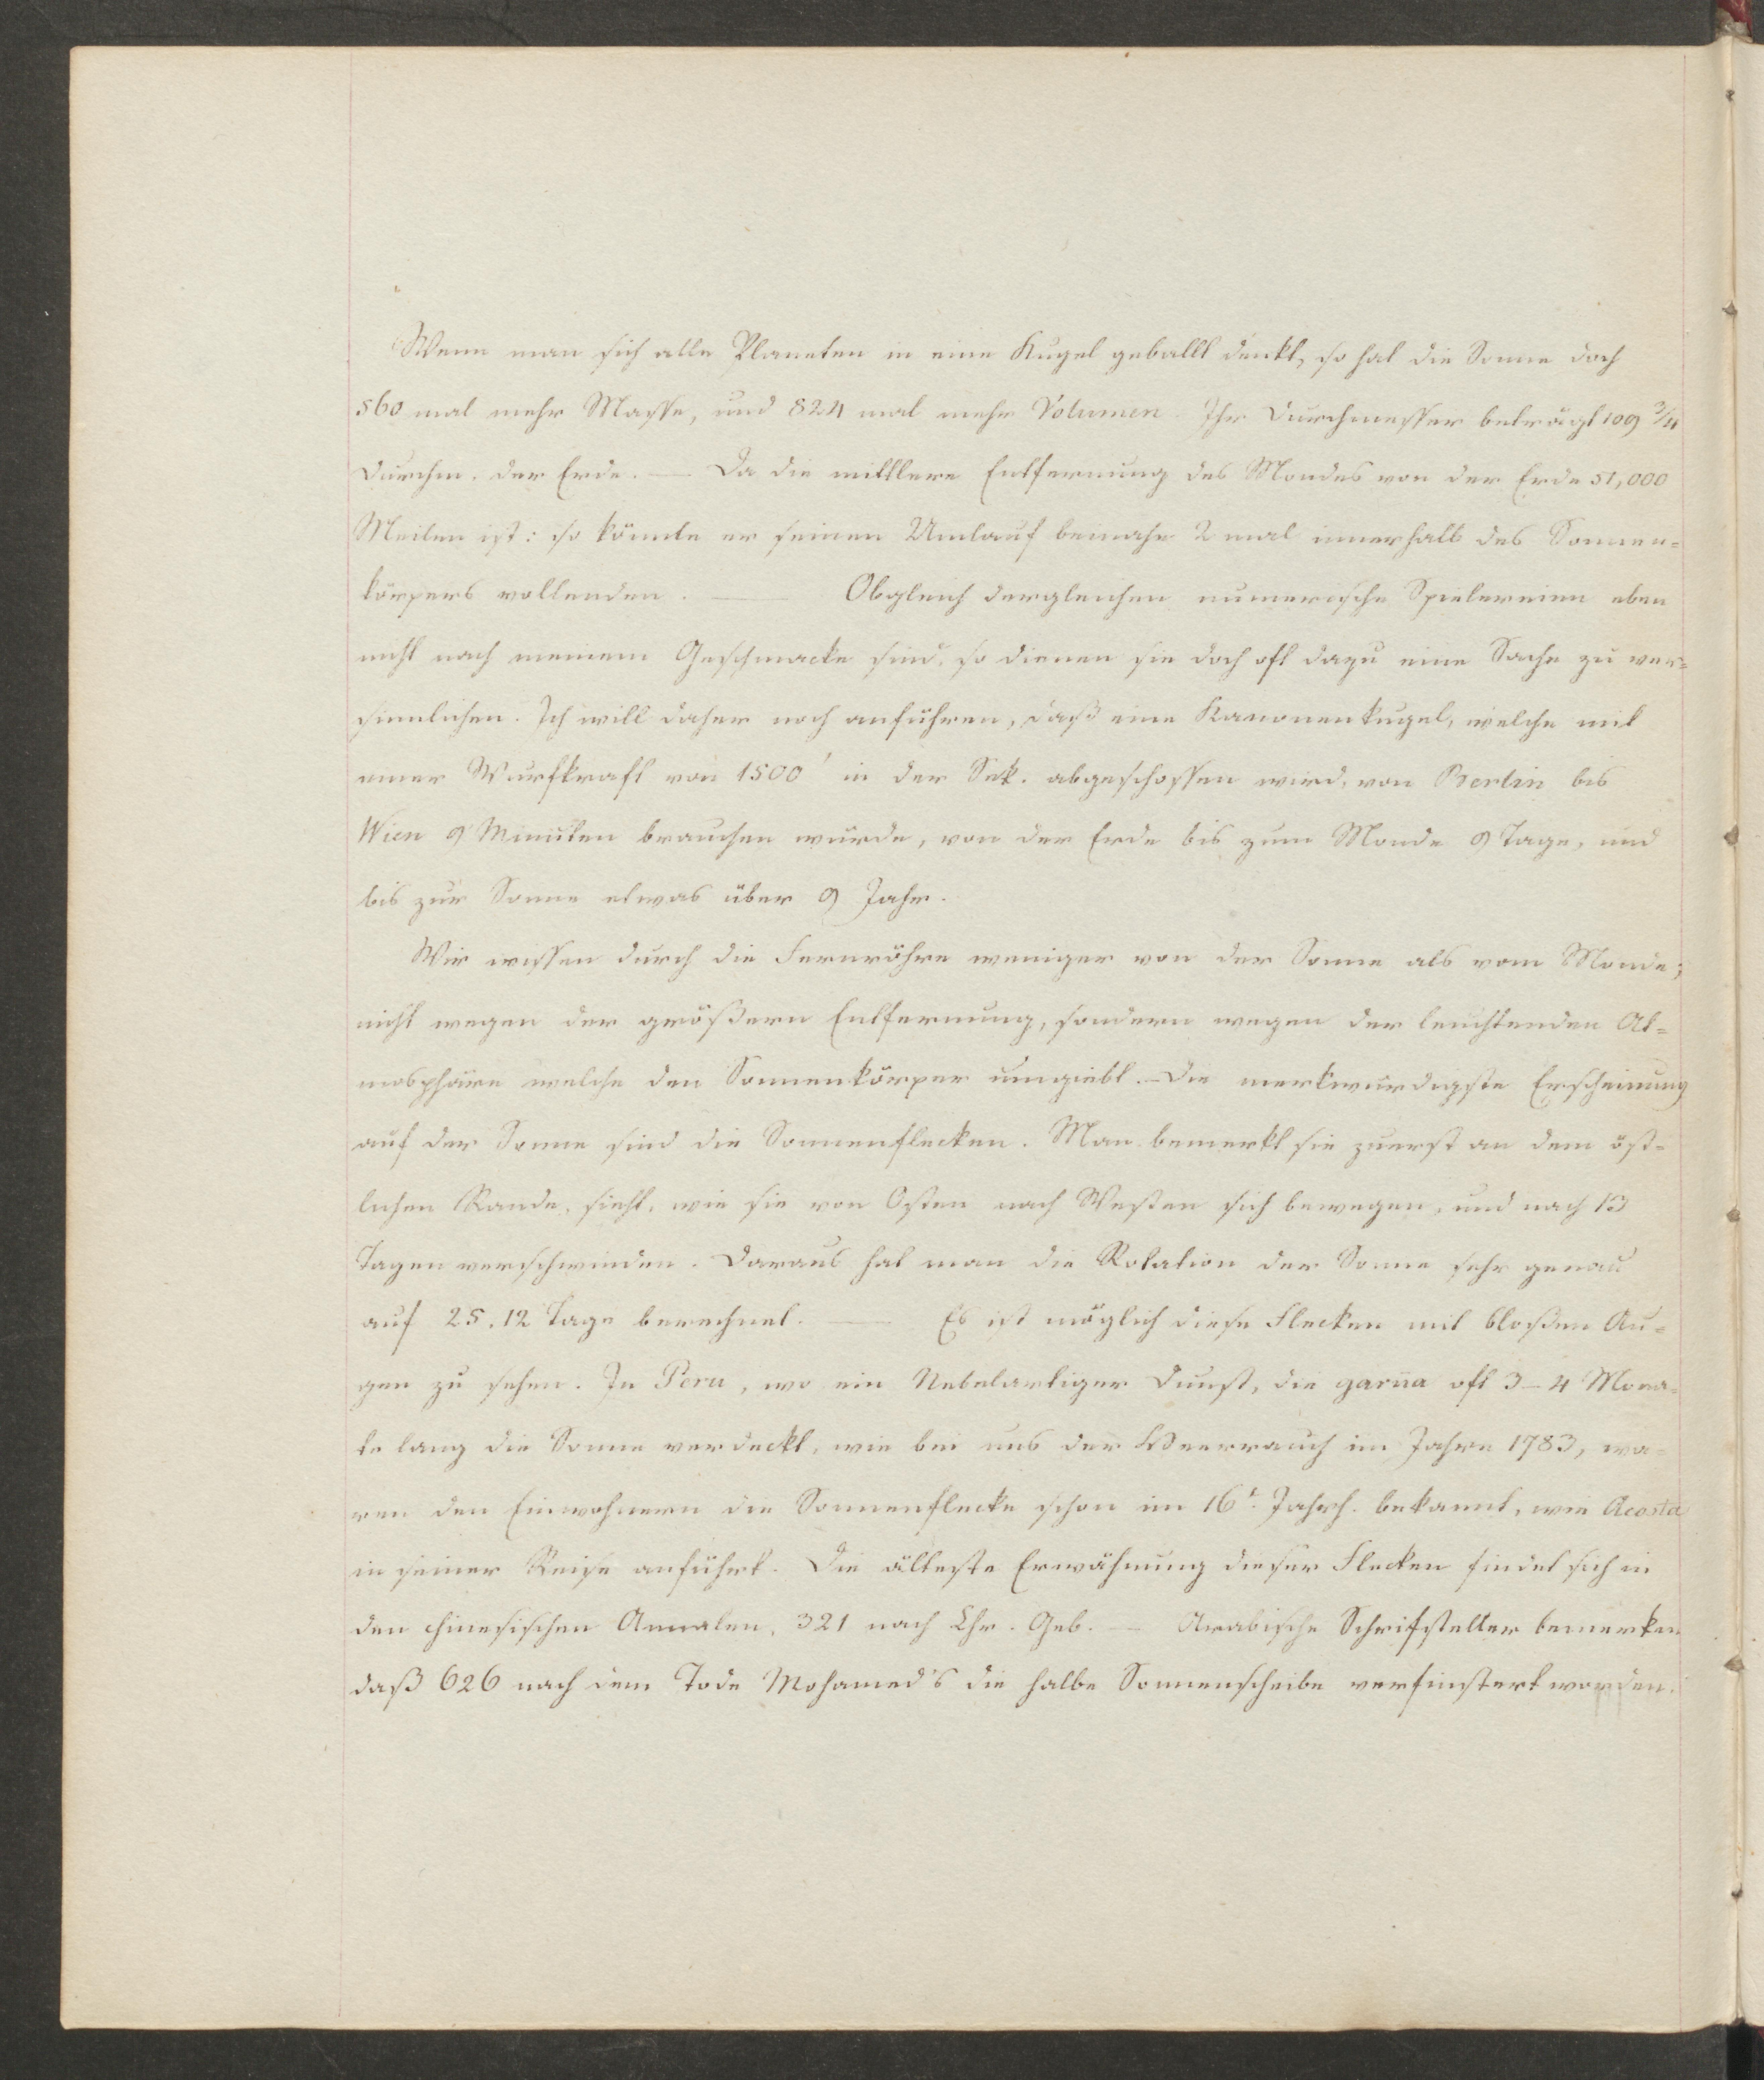Wenn man sich alle Planeten in eine Kugel geballt denkt, so hat die Sonne doch
560 mal mehr Masse, und 824 mal mehr Volumen. Ihr Durchmesser beträgt 109¾
Durchm. der Erde. – Da die mittlere Entfernung des Mondes von der Erde 51,000
Meilen ist: so könnte er seinen Umlauf beinahe 2 mal innerhalb des Sonnen-
körpers vollenden. –
Obgleich dergleichen numerische Spielereien eben
nicht nach meinem Geschmacke sind, so dienen sie doch oft dazu eine Sache zu ver-
sinnlichen. Ich will daher noch anführen, daß eine Kanonenkugel, welche mit
einer Wurfkraft von 1500′ in der Sek. abgeschossen wird, von Berlin bis
Wien 9 Minuten brauchen würde, von der Erde bis zum Monde 9 Tage, und
bis zur Sonne etwas über 9 Jahr.
Wir wissen durch die Fernröhre weniger von der Sonne als vom Monde;
nicht wegen der größern Entfernung, sondern wegen der leuchtenden At-
mosphäre welche den Sonnenkörper umgiebt. – Die merkwürdigste Erscheinung
auf der Sonne sind die Sonnenflecken. Man bemerkt sie zuerst an dem öst-
lichen Rande, sieht, wie sie von Osten nach Westen sich bewegen, und nach 13
Tagen verschwinden. Daraus hat man die Rotation der Sonne sehr genau
auf 25,12 Tage berechnet. –
Es ist möglich diese Flecken mit bloßen Au-
gen zu sehen. In Peru, wo ein Nebelartiger Dunst, die garña oft 3–4 Mona-
te lang die Sonne verdeckt, wie bei uns der Heerrauch im Jahre 1783, wa-
ren den Einwohnern die Sonnenflecke schon im 16t￼ Jahrh. bekannt, wie Acosta
in seiner Reise anführt. Die älteste Erwähnung dieser Flecken findet sich in
den chinesischen Annalen, 321 nach Chr. Geb. – Arabische Schriftsteller bemerken,
daß 626 nach dem Tode Mohamed's die halbe Sonnenscheibe verfinstert worden.